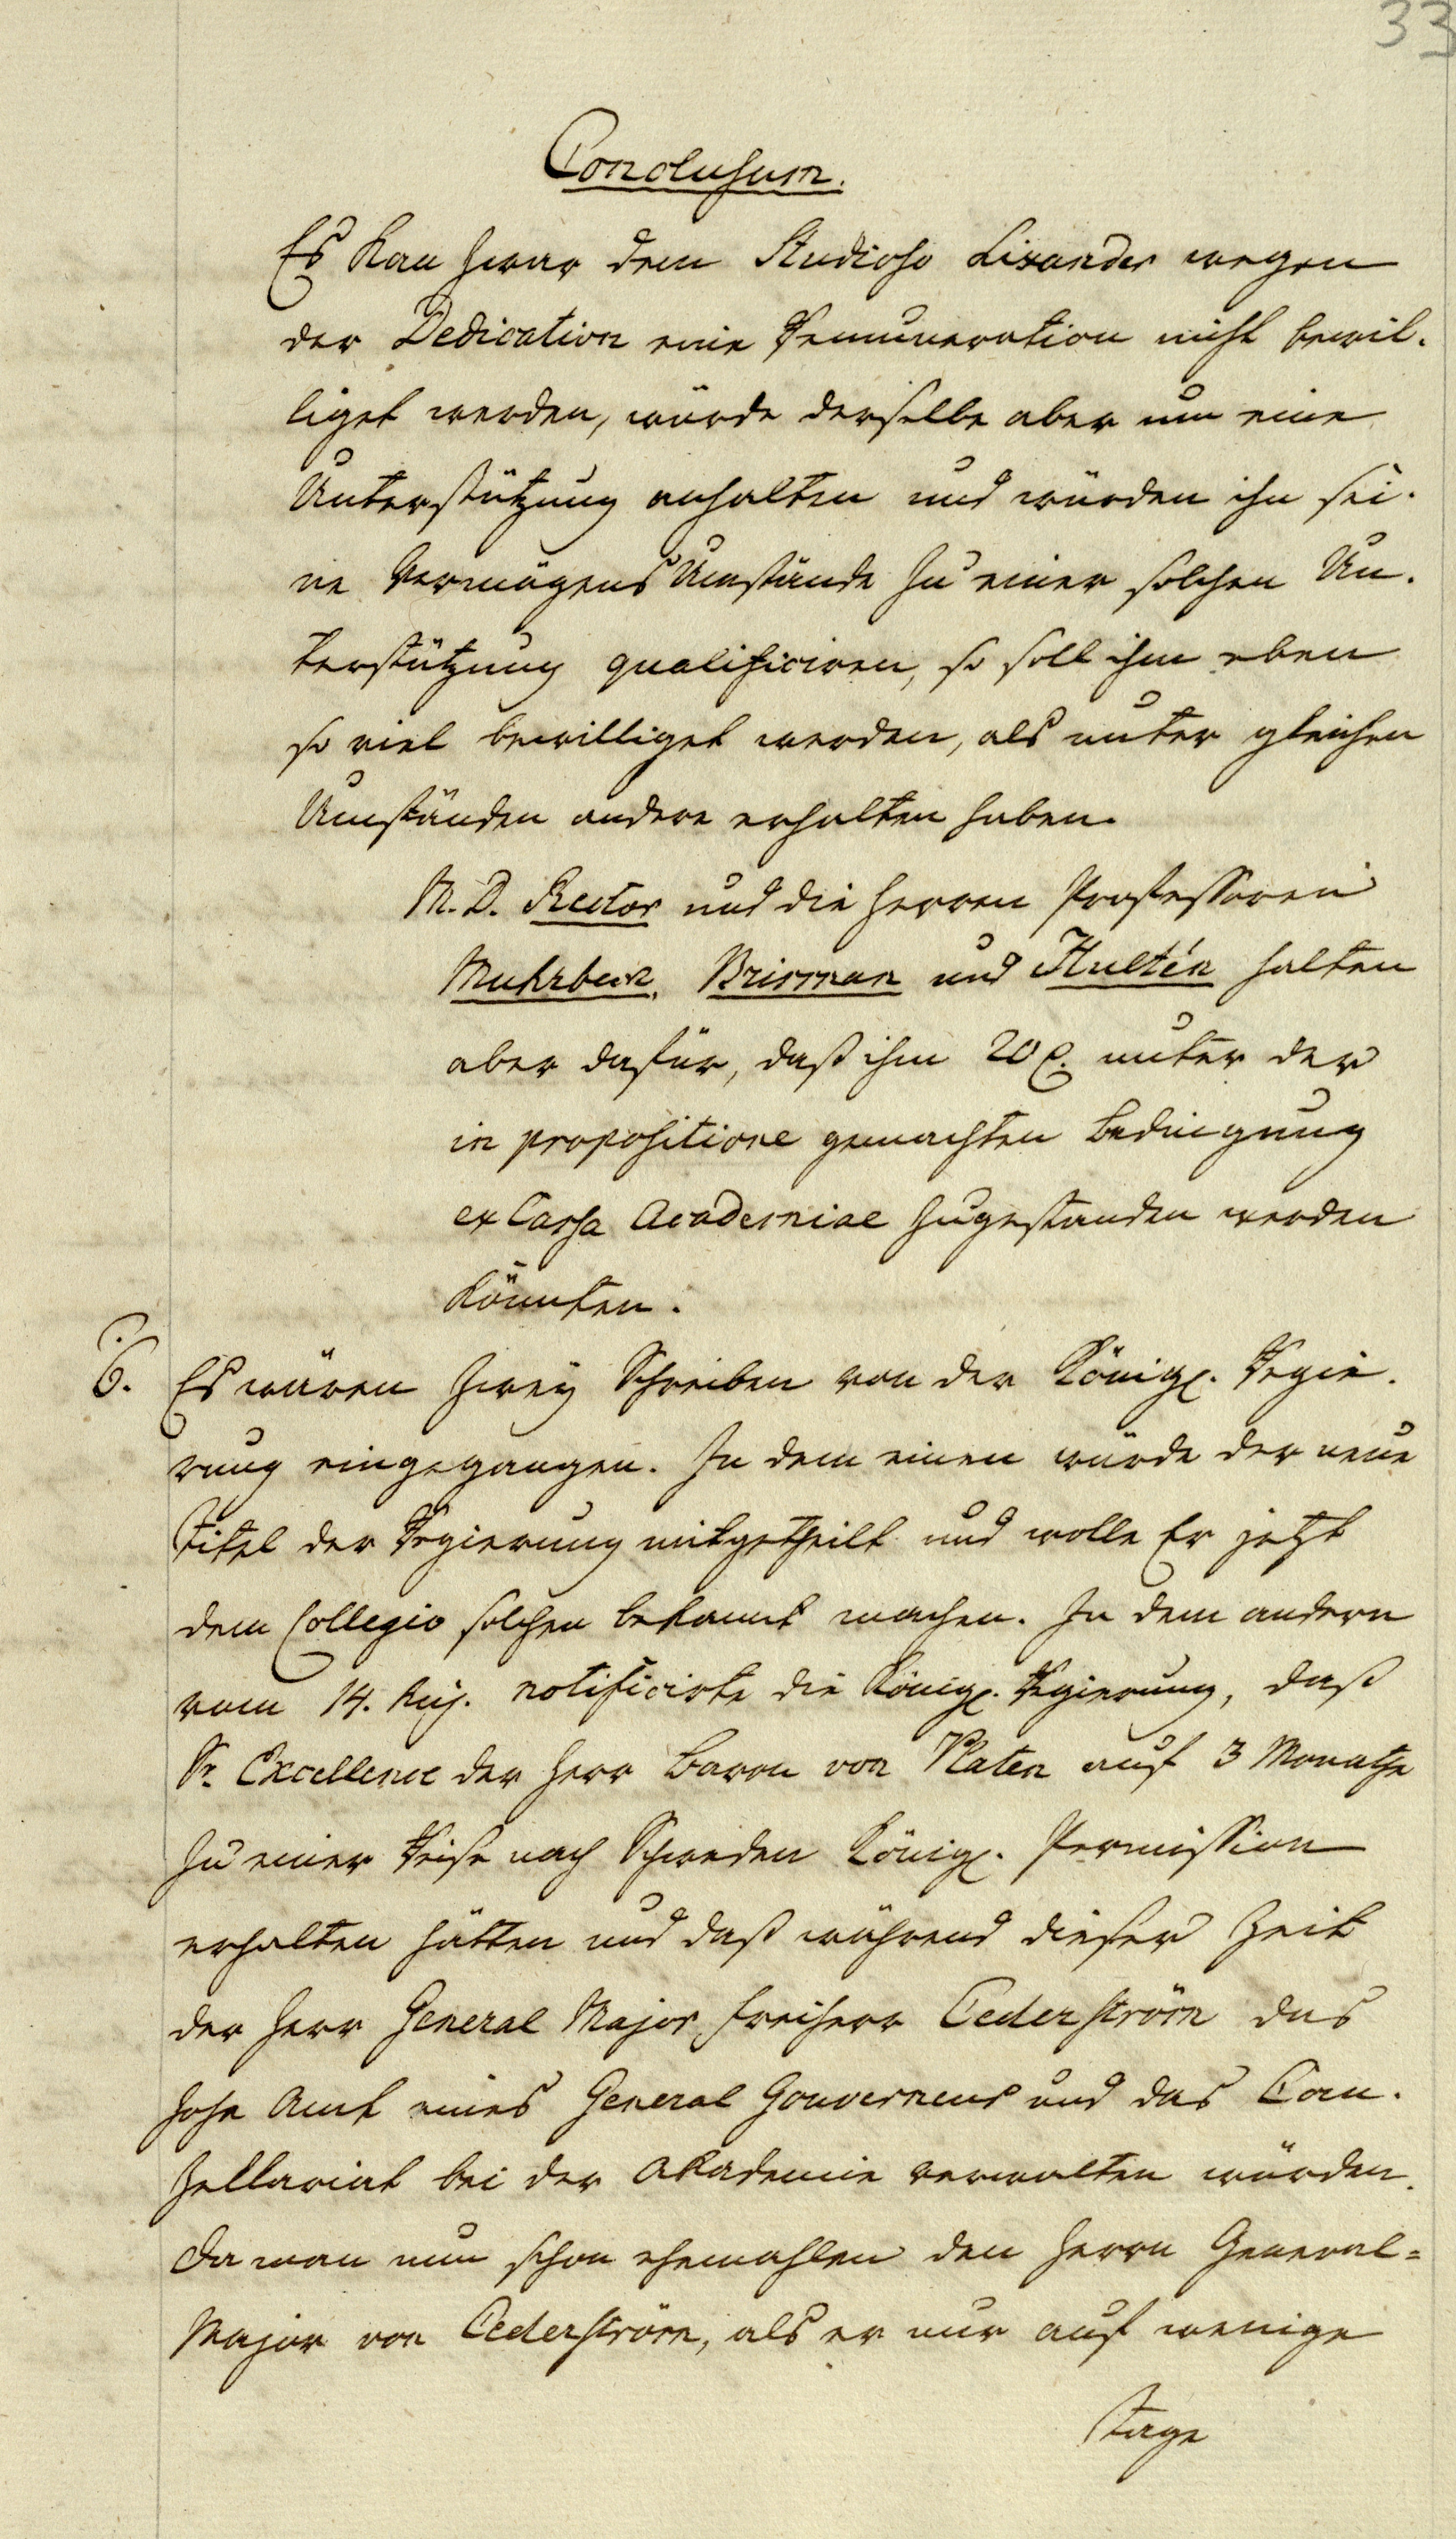Conclusum.
Es kan zwar dem Studioso Likander wegen
der Dedication eine Remuneration nicht bewil¬
liget werden, würde derselbe aber um eine
Unterstützung anhalten und würden ihn sei¬
ne Vermögens Umstände zu einer solchen Un¬
terstützung qualificiren, so soll ihm eben
so viel bewilligt werden, als unter gleichen
Umständen andere erhalten haben.
M. D. Rector und die Herren Professoren
Muhrbeck. Brisman und Hultén halten
aber dafür, daß ihm 20 l. unter der
in propositione gemachten Bedingung
ex Cassa Academiae zugestanden werden
könnten.
6. Es wären zweÿ Schreiben von der Königl. Regie¬
rung eingegangen. In dem einen würde der neue
Titel der Regierung mitgetheilt und wolle Er jetzt
dem Collegio solchen bekannt machen. In dem andern
vom 14. huj. notificirte die Königl. Regierung, daß
Sr Excellence der Herr Baron von Platen auf 3 Monathe
zu einer Reise nach Schweden Königl. Permission
erhalten hätten und daß während dieser Zeit
der Herr General Major Freiherr Cederström das
hohe Amt eines General Gouverneur und das Can¬
zellariat bei der Akademie verwalten würden.
Da man nun schon ehemahlen den Herrn General-
Major von Cederström, als er nur auf wenige
Tage